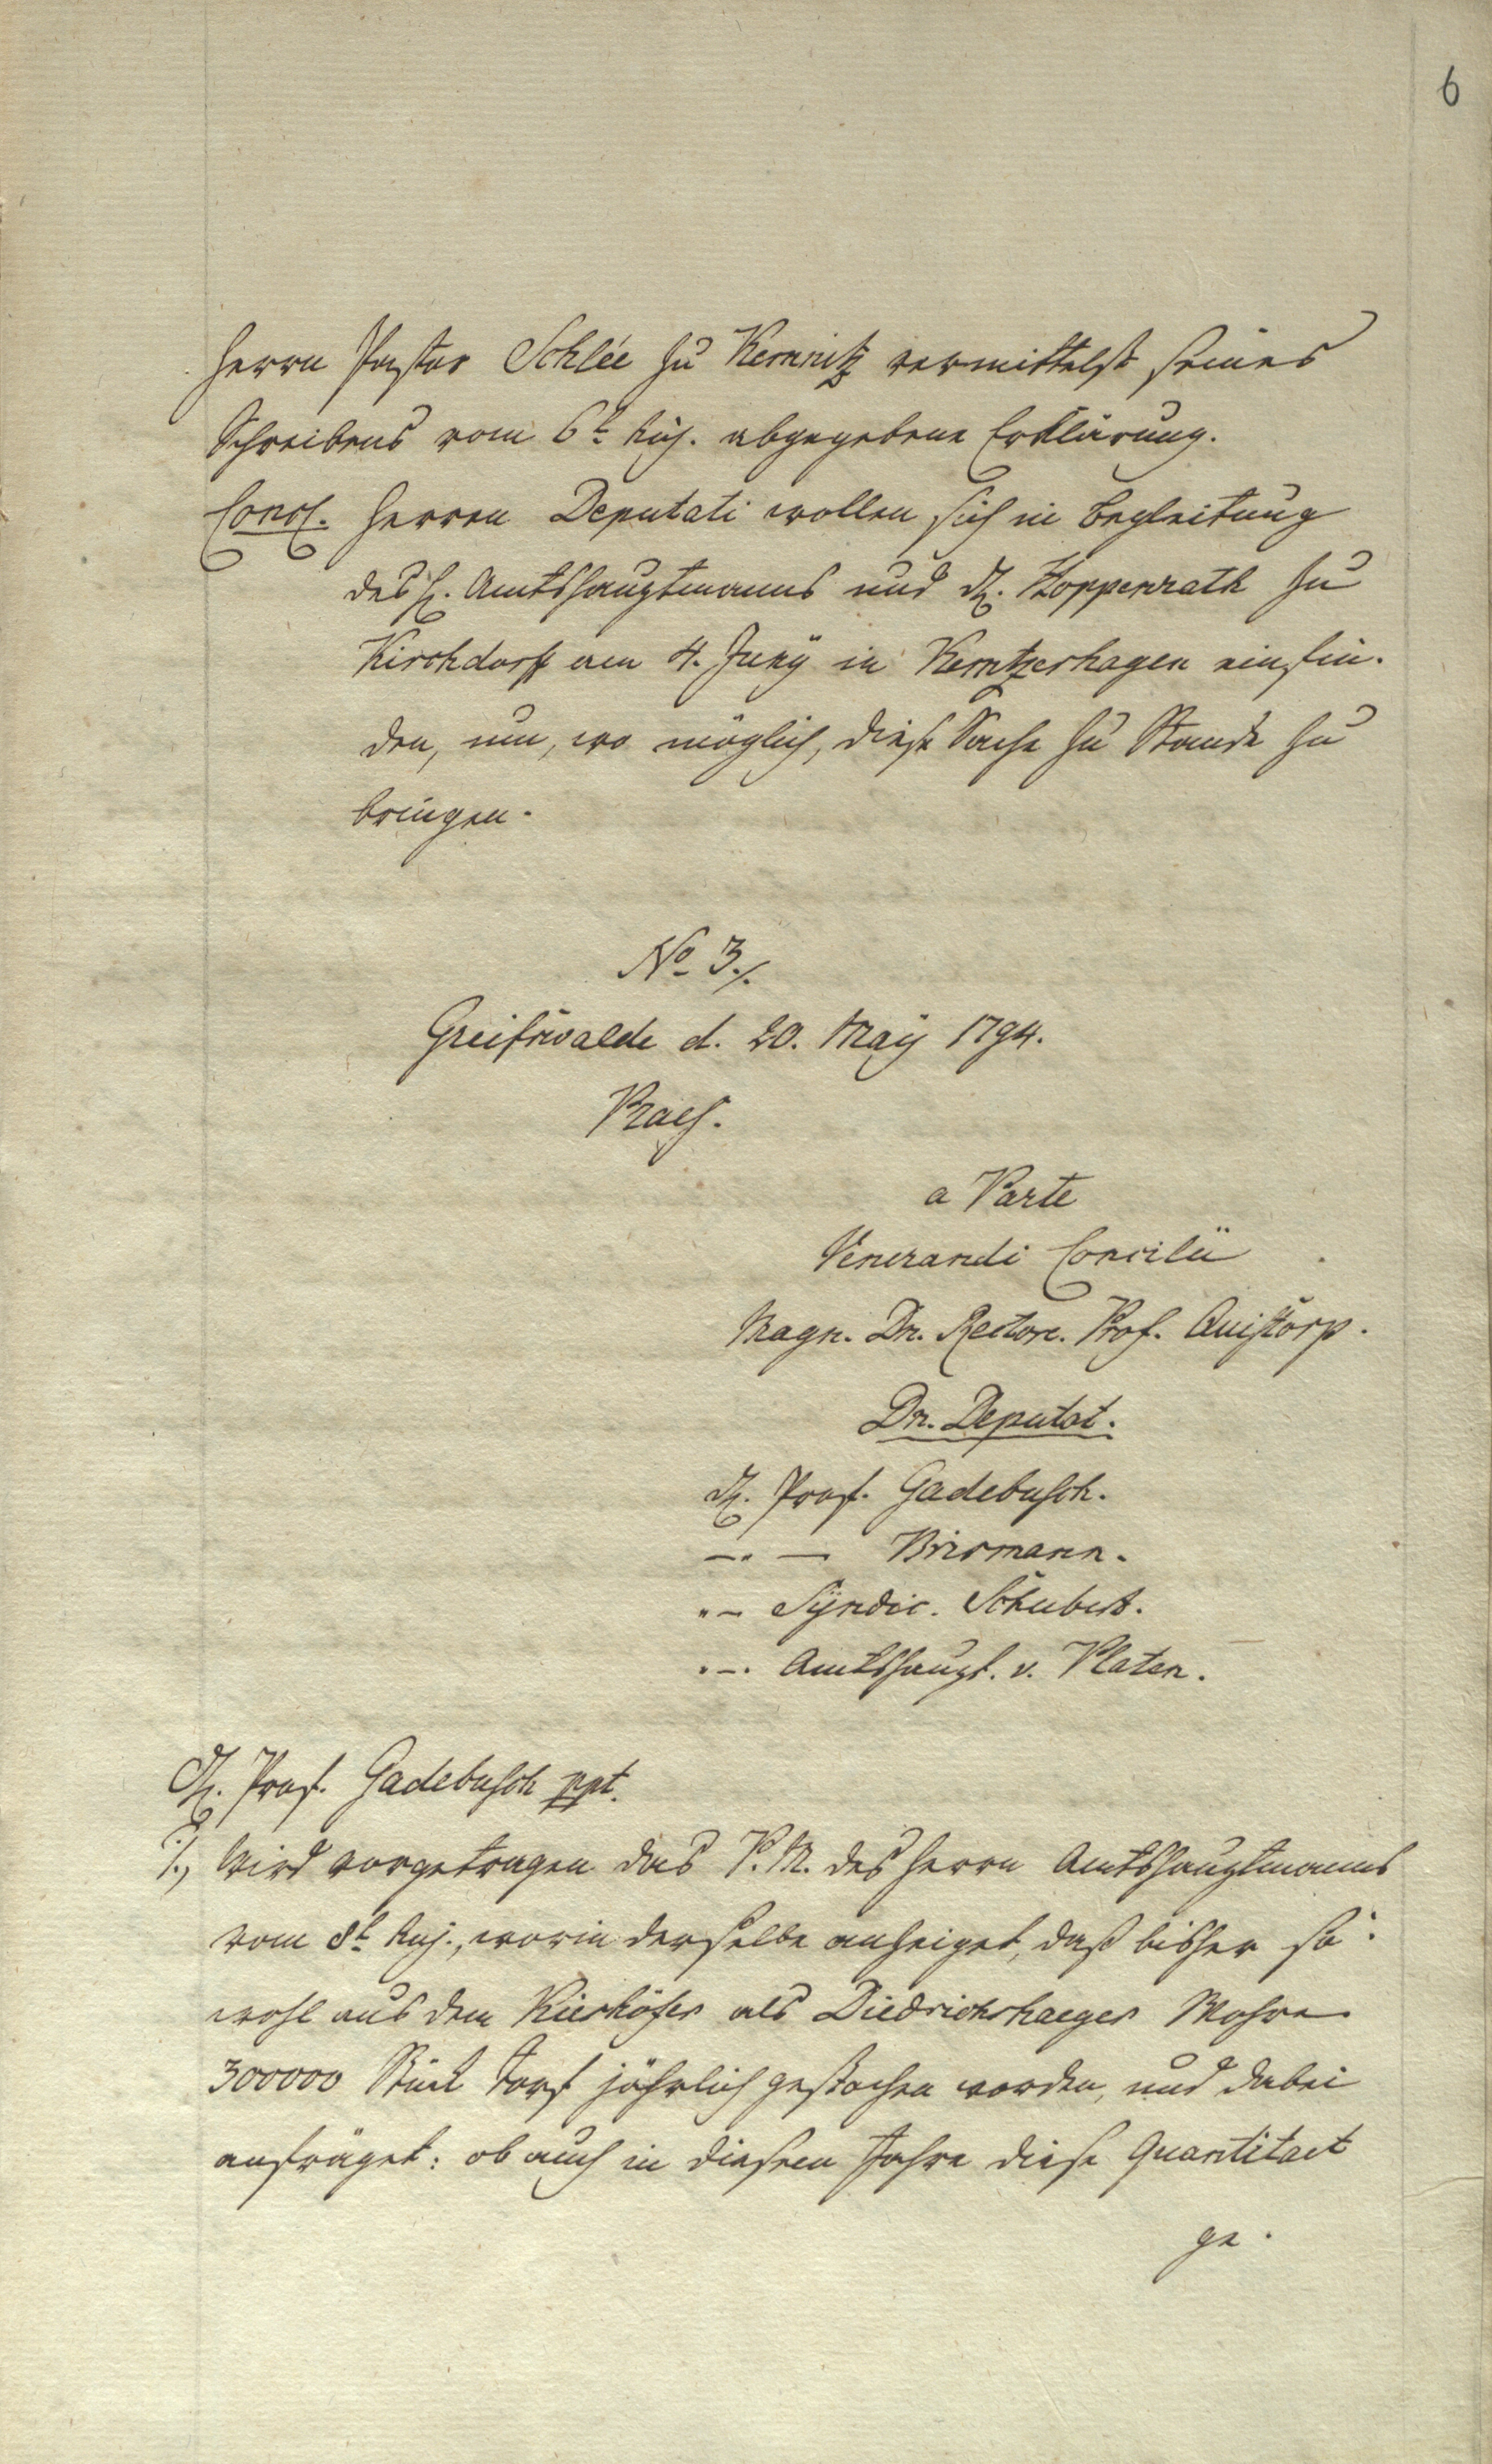Herrn Pastor Schlée zu Kemnitz vermittelst seines
Schreibens vom 6. huj. abgegebene Erklärung
Concl. Herren Deputati wollen sich in Begleitung
des H. Amtshauptmanns und dh. Hoppenrath zu
Kirchdorff am 4. Juny in Kemtzerhagen einfin¬
den, um, wo möglich, diese Sache zu Stande zu
bringen.
No. 3./.
Greifswalde d. 20. May 1794
Praes.
a Parte
Venerandi Concilii
Magn. Dn. Rectore. Prof. Quistorp
Dn. Deputat.
dh. Prof. Gadebusch.
- " - Brismann.
" - Syndic. Schubert.
" - " Amtshaupt. v. Platen.
dh. Prof. Gadebusch ppt.
1., Wird vorgetragen das P. M. des Herrn Amtshauptmanns
vom 8t. huj., worin derselbe anzeiget, daß bisher so¬
wohl aus dem Kieshöfer als Diedrichshaeger Mohren
300000 Stück Torf jährlich gestochen worden, und dabei
anfräget: ob auch in diesem Jahre diese quantitaet
ge¬